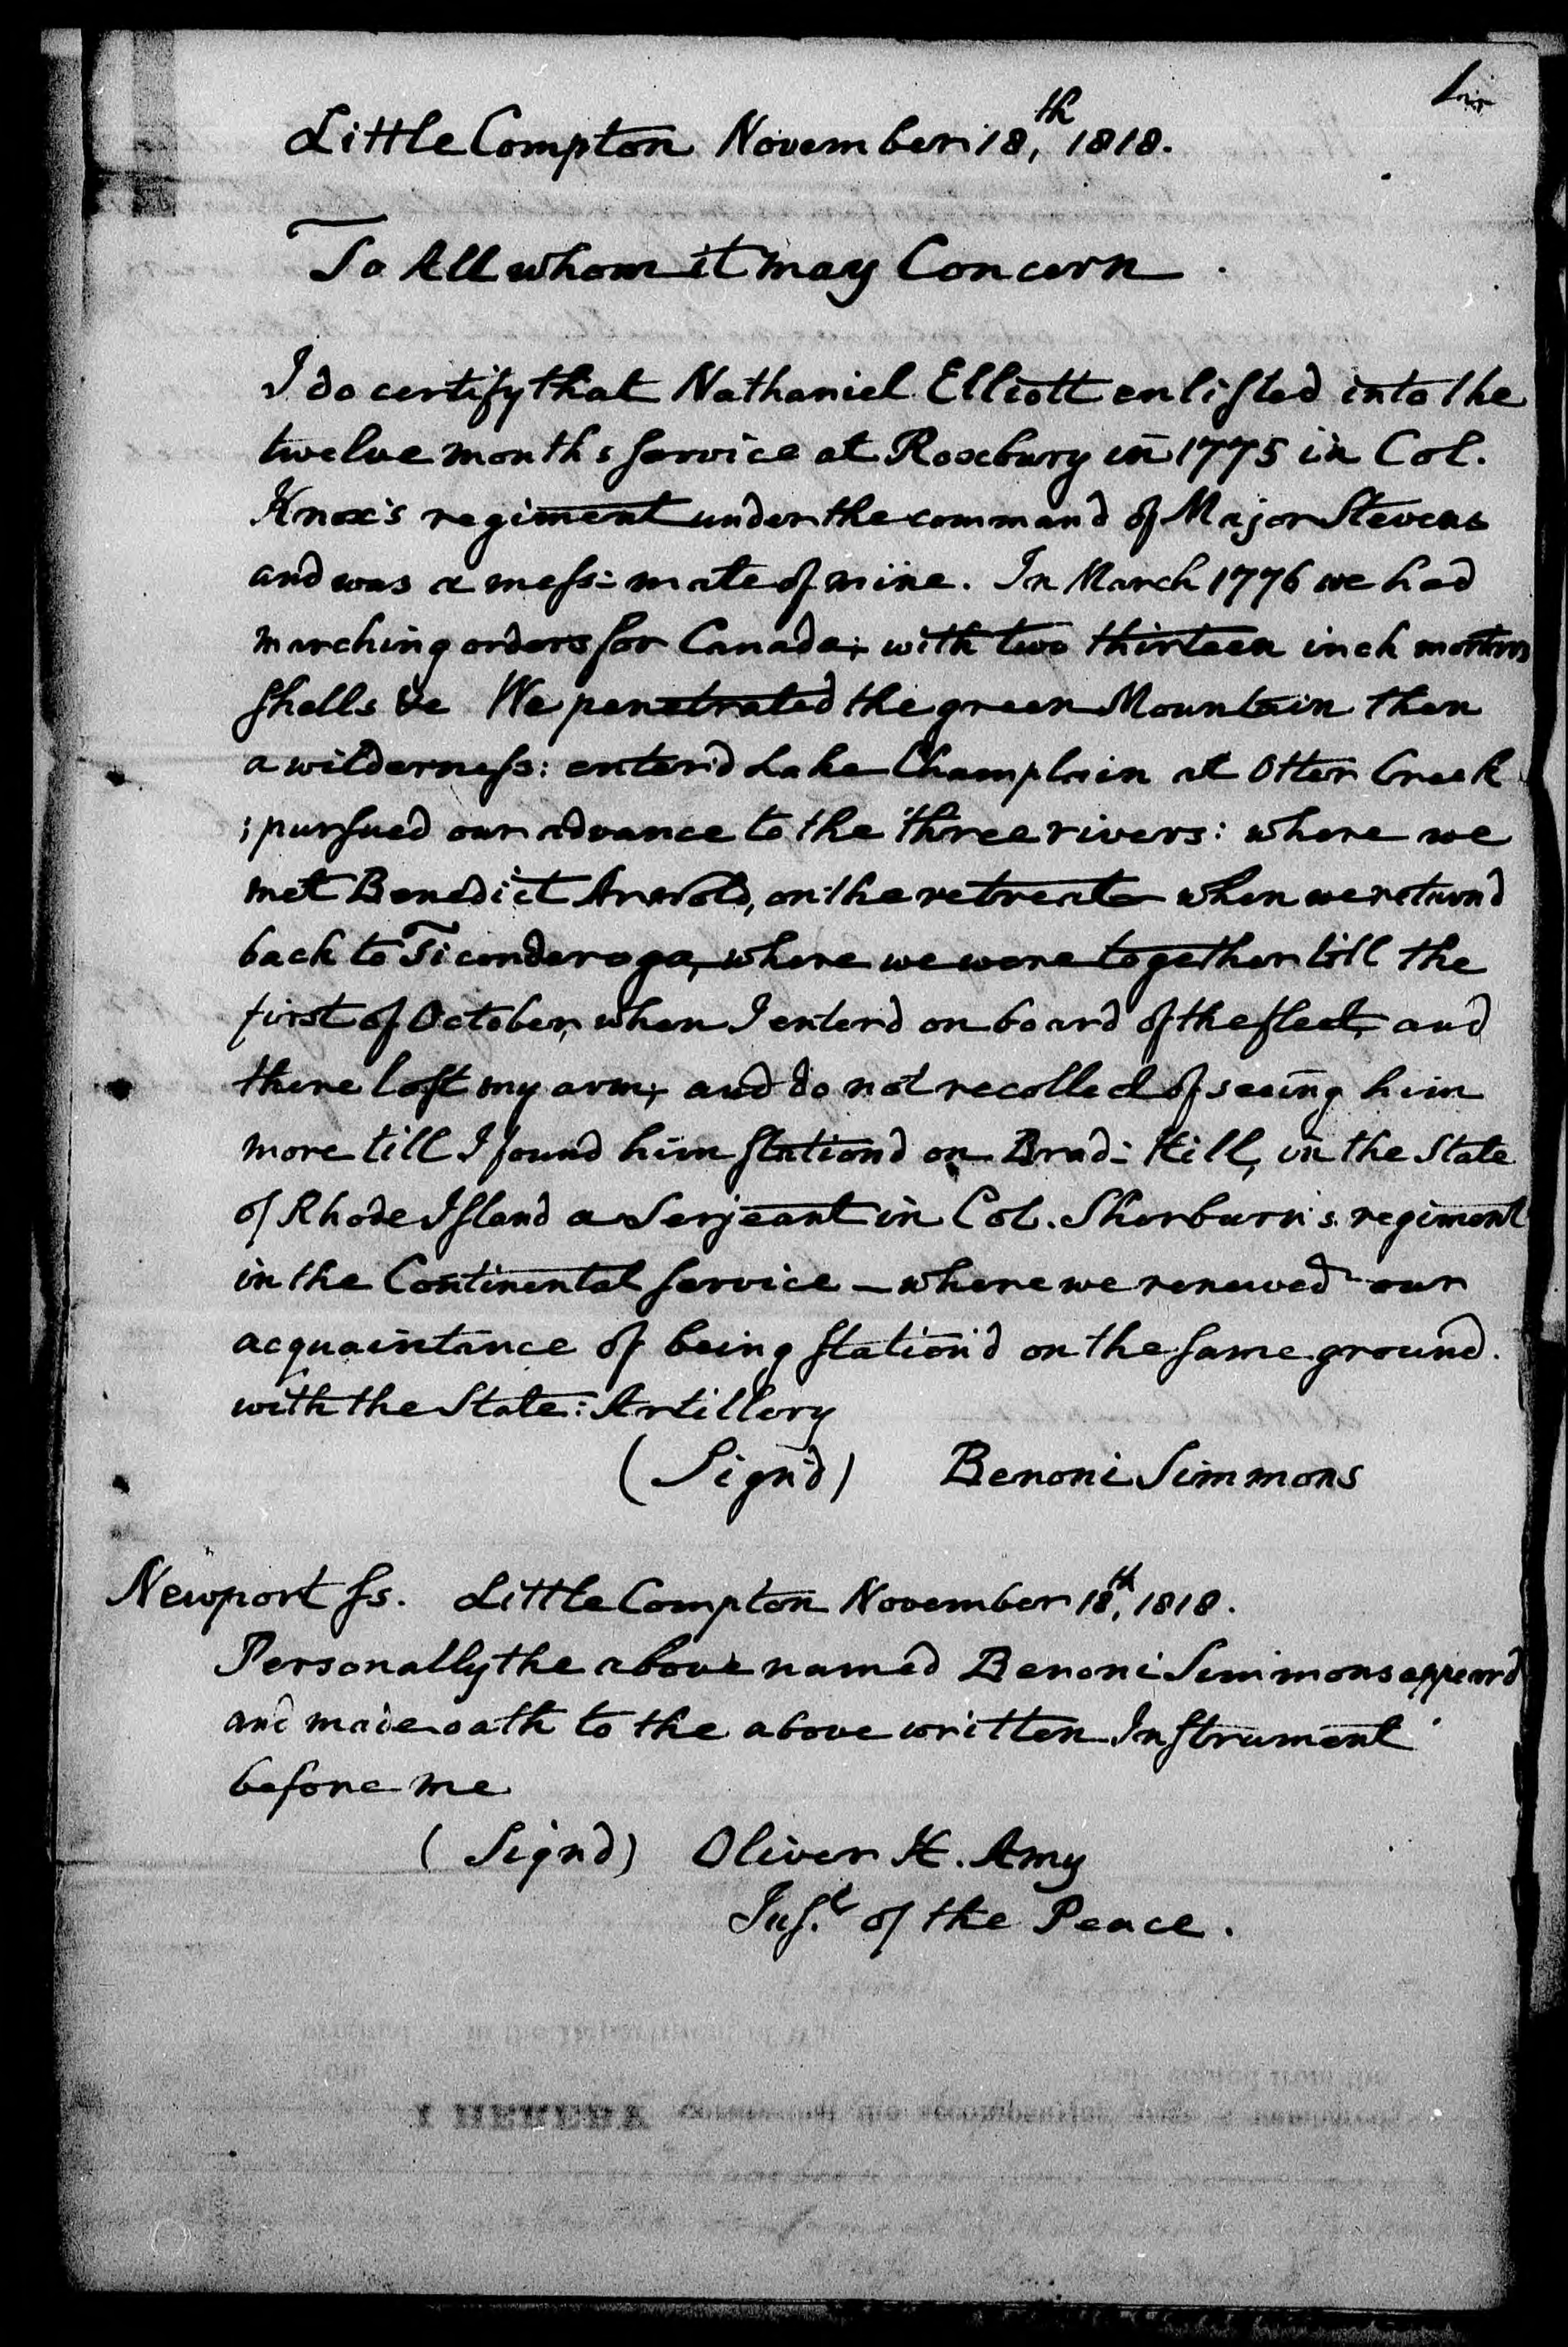Little Compton November 18th, 1818.
To All Whom it may Concern
I do certify that Nathaniel Elliott enlisted into the twelve months service at Roxbury in 1775 in Col. Knox's regiment under the command of Major Stevens and was a mess-mate of mine. In March 1776 we had marching orders for Canada with two thirteen ench mortar shells & we penetrated the green Mountain then a wilderness; entered Lake Champlain at Otter Creek; pursued our advance to the three rivers; where we met Bendict Arnold on the retreat. When we returned back to Ticonderoga, where we were together till the first of October when I entered on board of the fleet, and there lost my arm, and do not recollect of seeing him more till I found him stationed on Brad Hill in the state of Rhode Island as Serjeant in Col. Sherburn's regiment in the Continental Service. Where we renewed our acquaintance of being station'd on the same ground with the State; Artillery (Sign'd) Benoni Simmons

Newport Ss. Little Compton November 18th 1818. Personally the above named Benoni Simmons appeared and made oath to the above written instrument before me (signed) Oliver K. Amy Just. of the Peace.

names: Benedict Arnold, Stevens, Benoni Simmons, Benoni Simmons, Oliver K Amy, Nathaniel Elliott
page: 25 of 29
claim: survivor's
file: S. 38679, Nathaniel Elliot, Continental R.I.